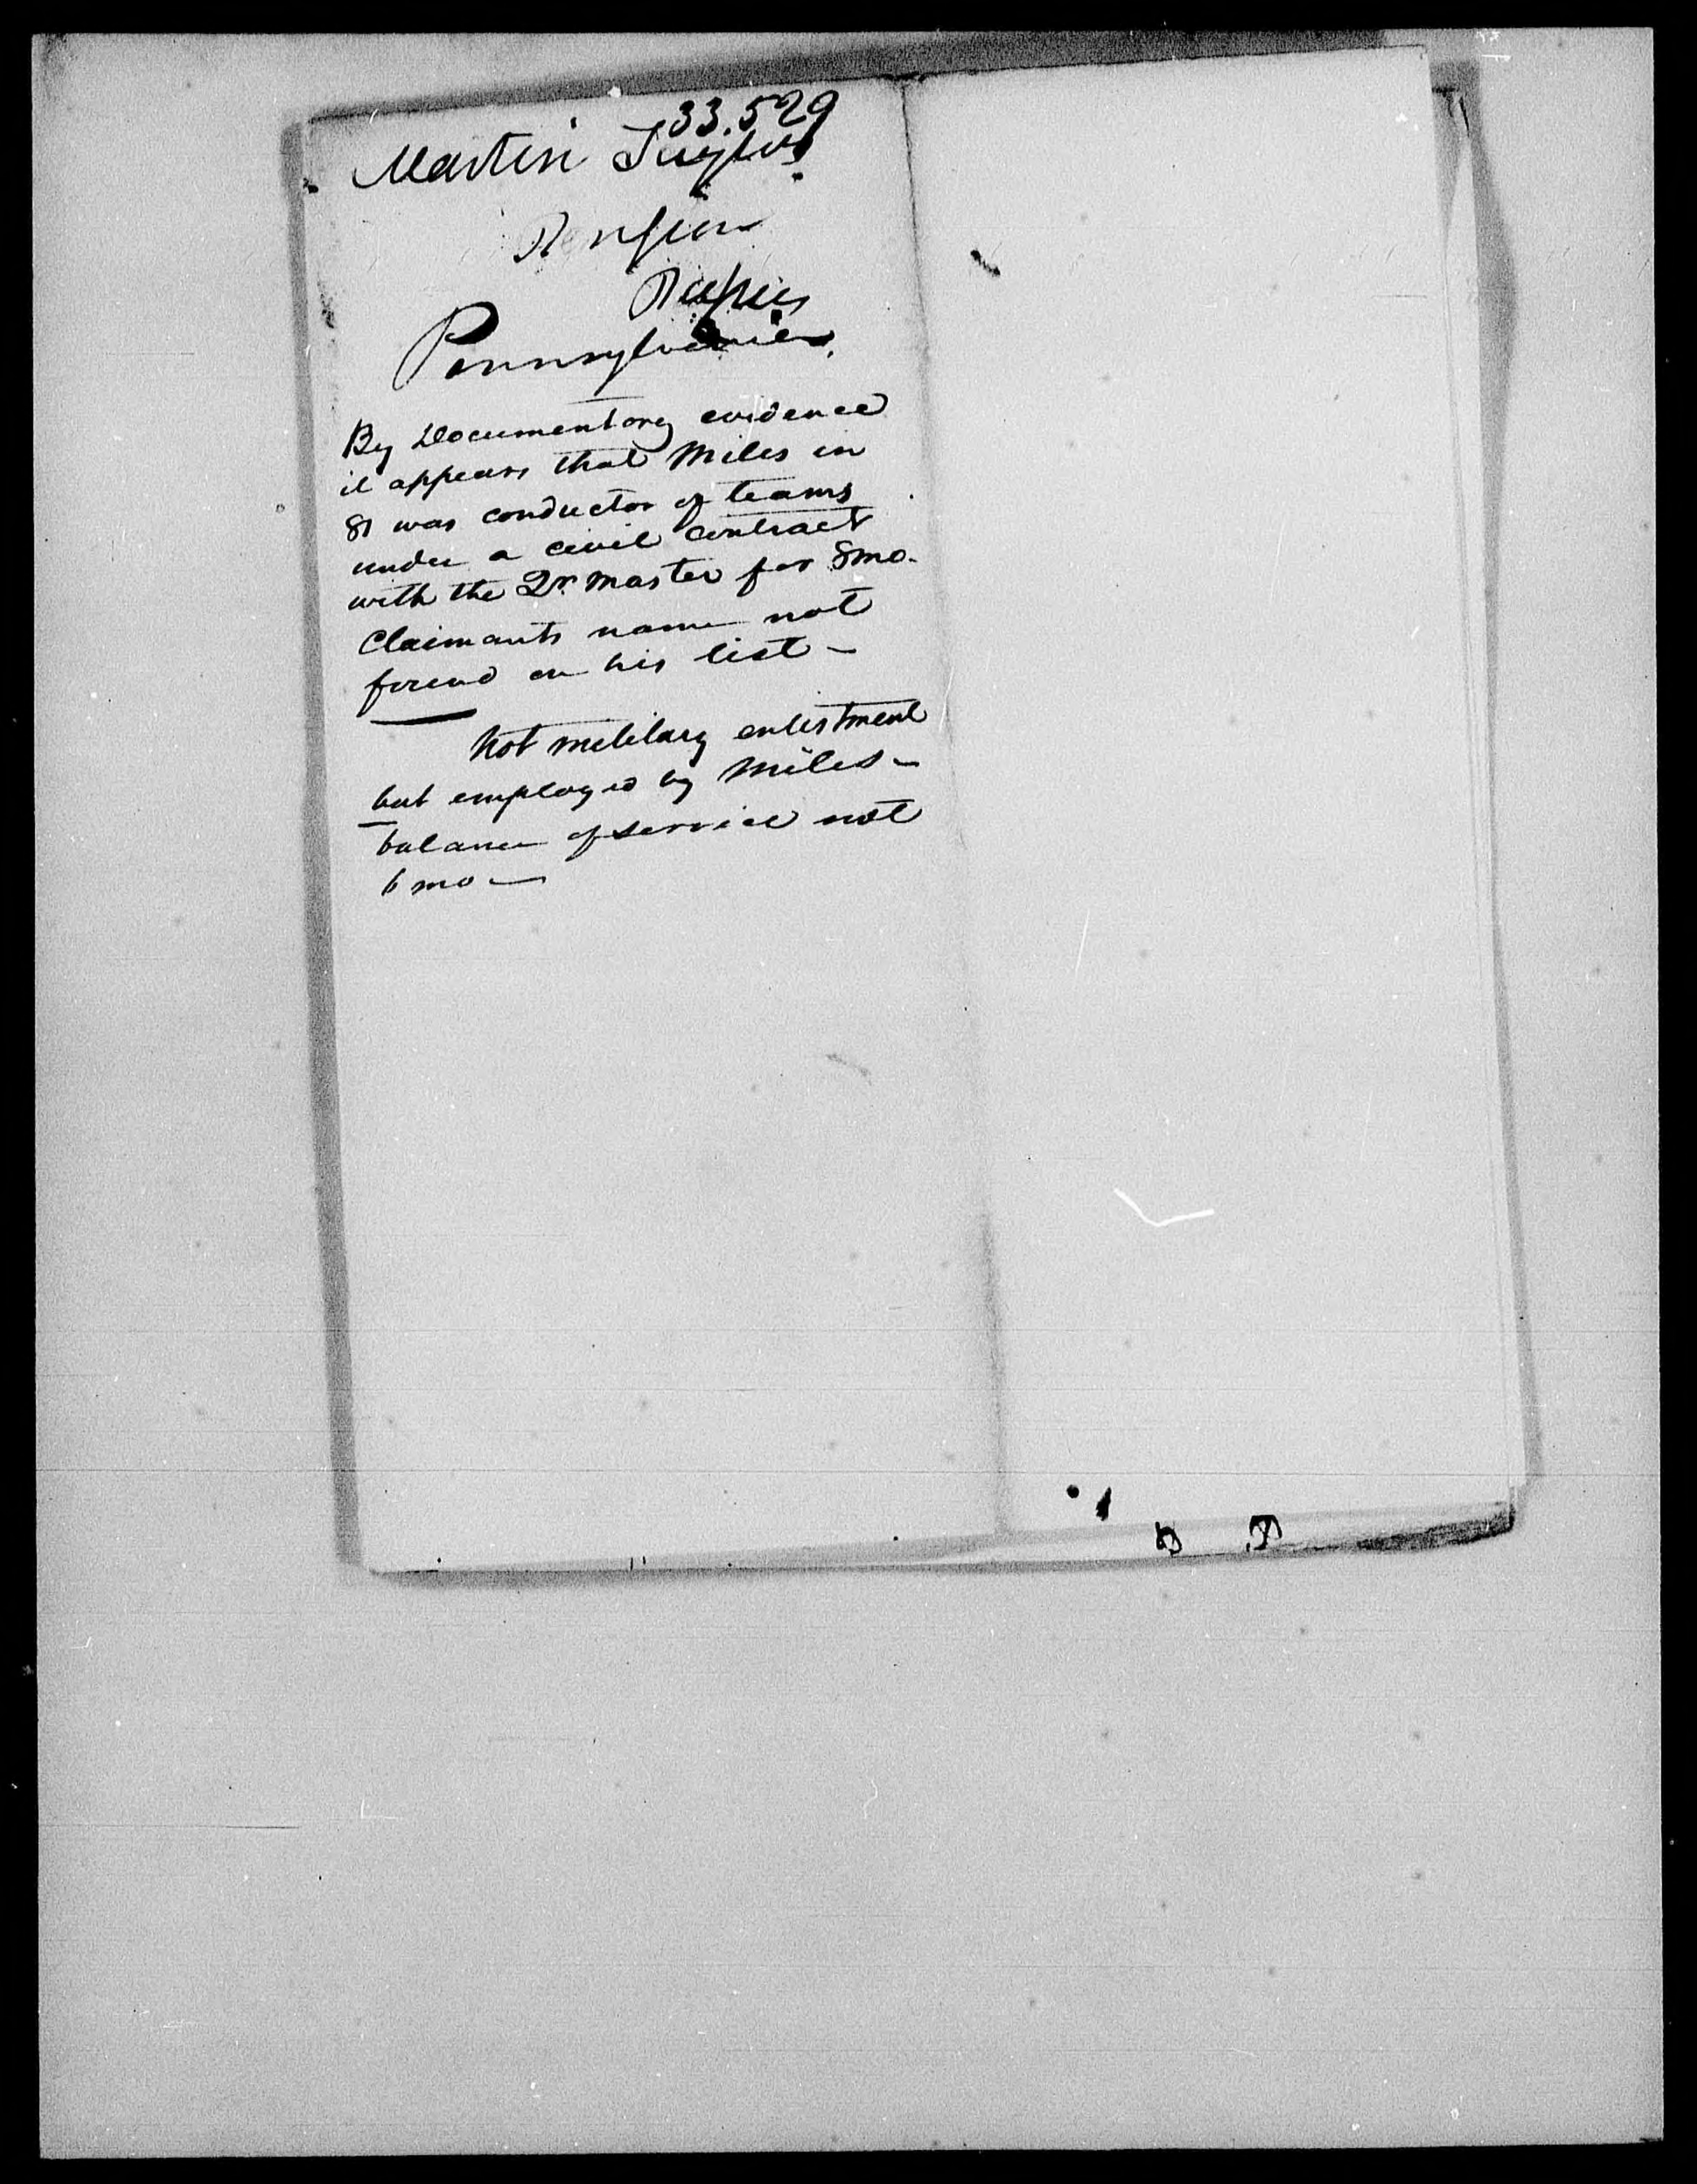33529
Martin Taylor
pension papers
Pennsylvania 

By documentary evidence it appears that Miles in 81 was conductor of teams under a civil contract with the Qtr Master for 8 mo. claimants name not found on his list.
Mot military enlistment but employed by Miles
balance of service not 6 mo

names: [BLANK] Miles; [BLANK] Miles; Martin Taylor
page: 6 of 13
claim: rejected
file: R 10420, for Martin Tayler, Connecticut